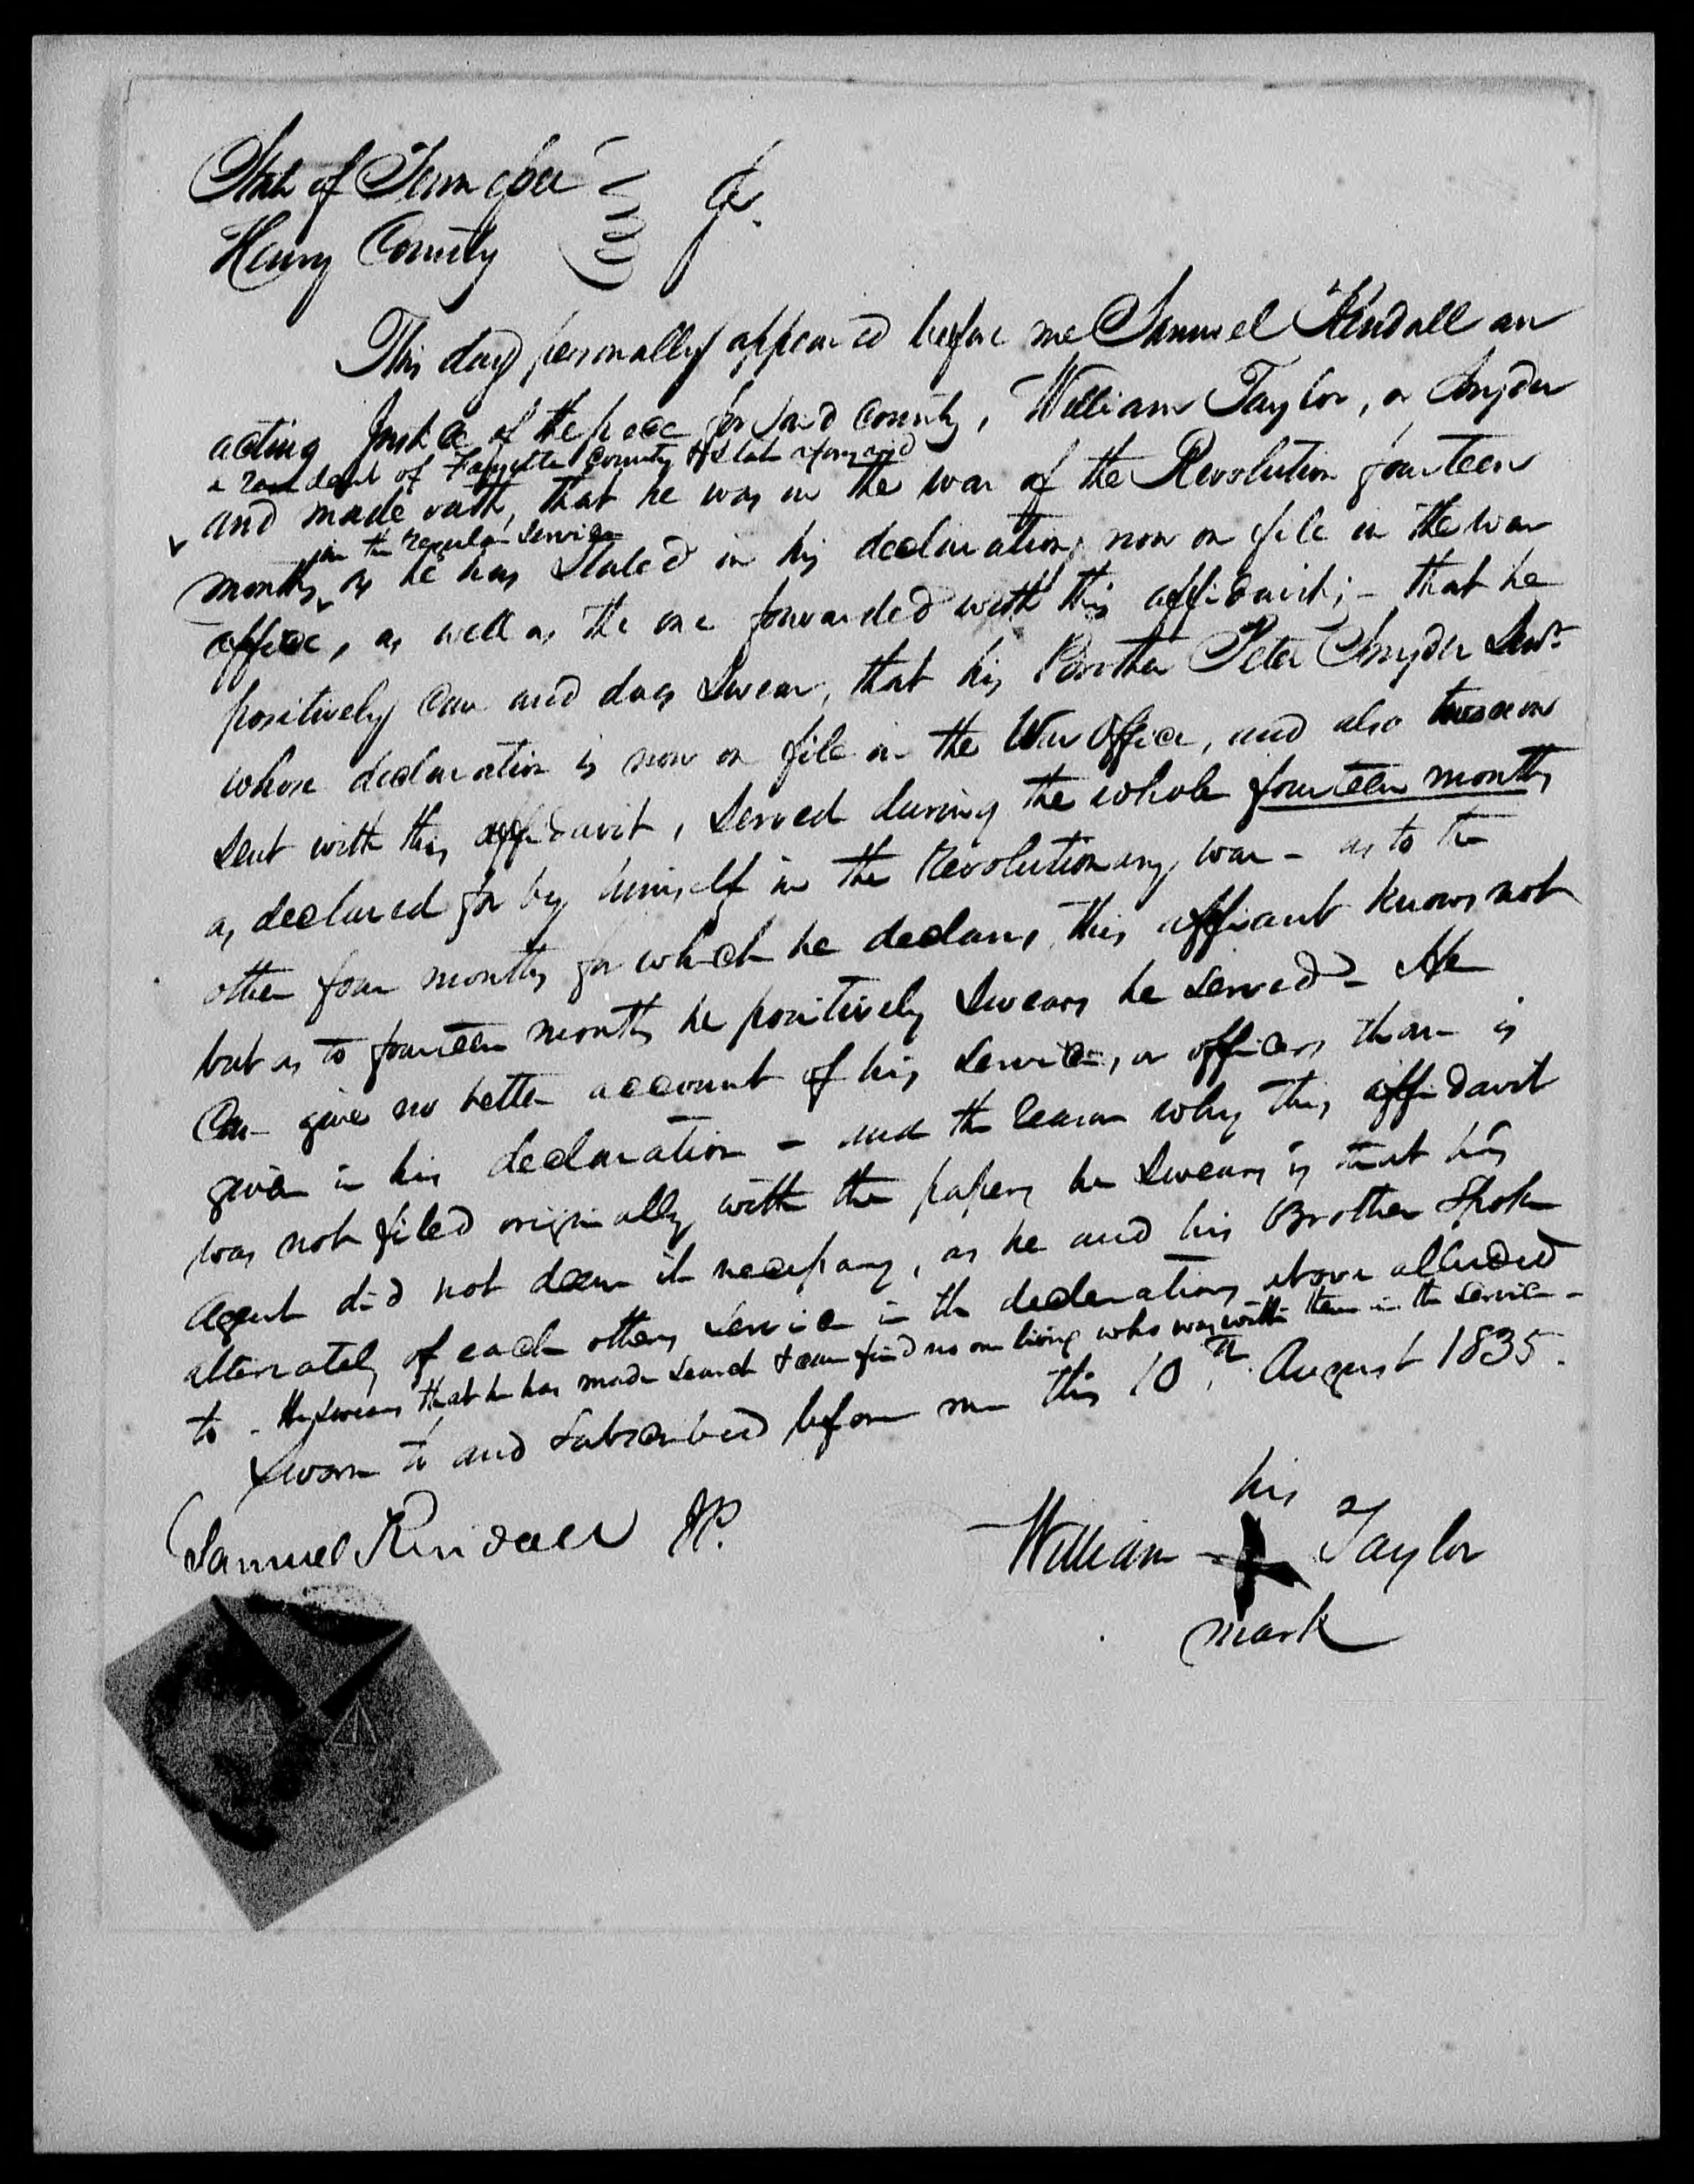State of Tennessee
Henry County
This day personally appeared before me Samuel Kindall an acting Justice of the peace for said County, William Taylor, or Snyder & resident of Fayette County of state aforesaid and made oath, that he was in the war of the Revolution fourteen months in the regular service as he has stated in his declaration, now on file in the war office, as well as the one forwarded with this affidavit, that he positively can and duly swear, that his Brother Peter Snyder Senr. whose declaration is now on file in the War Office, and also on sent with this affidavit, served during the whole fourteen months as declared for by himself in the Revolutionary war - as to the four months for which he declares this affiant knows not but as to the fourteen months he positively swears he served. He can give no better account of his services or officers than as given in his declaration - and the reason why his affidavit was not filed originally with the papers he swears in that his agent did not deem it necessary, as he and his Brother spoke alternately of each others service in the declarations above alluded to. He swears that he has made search & can find no one living who was with them in the service.
Sworn to and subscribed before me this 10th August 1835.
Samuel Kindall JP.
William Taylor his mark X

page: 28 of 33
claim: rejected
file: R 10439, for William Taylor, North Carolina